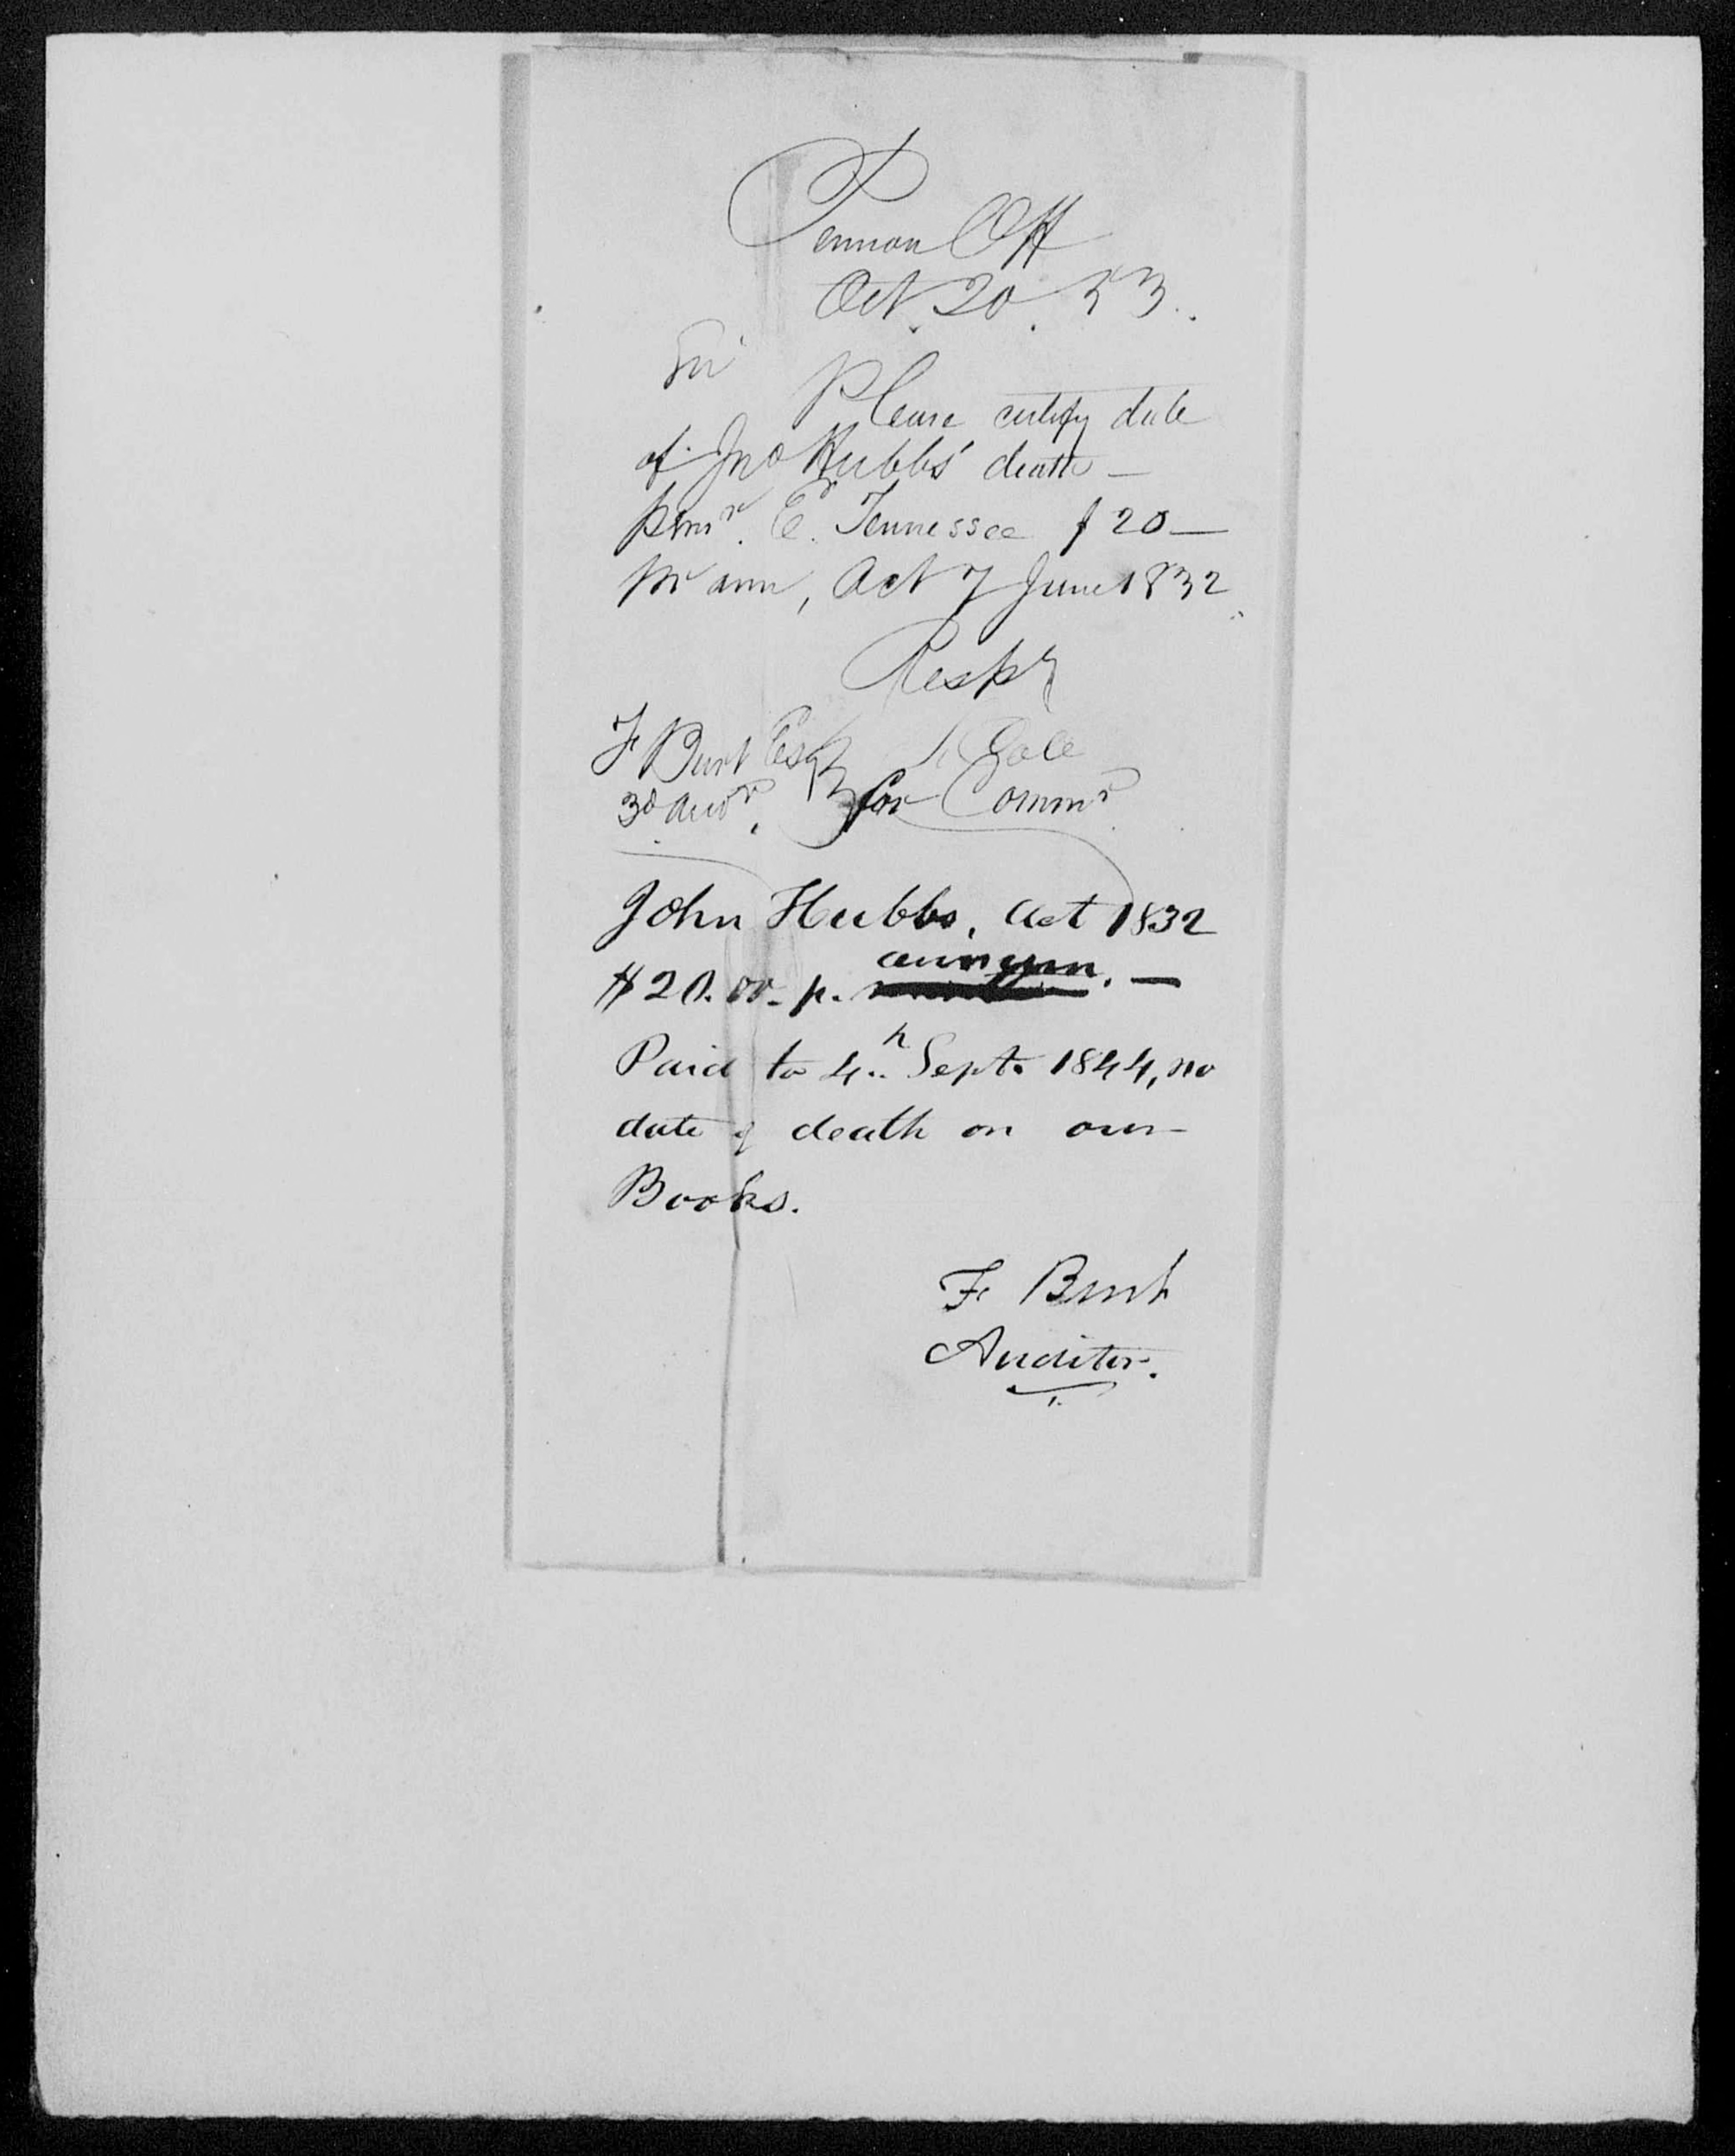Pension Off
Oct 20, '53.
Sir
Please certify date of Jno. Hubbs death --
pensr. E. Tennessee $20.---
per anum, Act 7 June 1832
Respy
F Burt Esq 3d anon for Cole Commr.

John Hubbs, Act 1832
$20.00 per annum
Paid to 4th Sept. 1844, no
date of death on our
Books.
F. Burt 
Auditor.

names: F Burt, Jno Hubbs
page: 42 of 86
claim: widow's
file: W. 1035, John Hubbs, S.C.